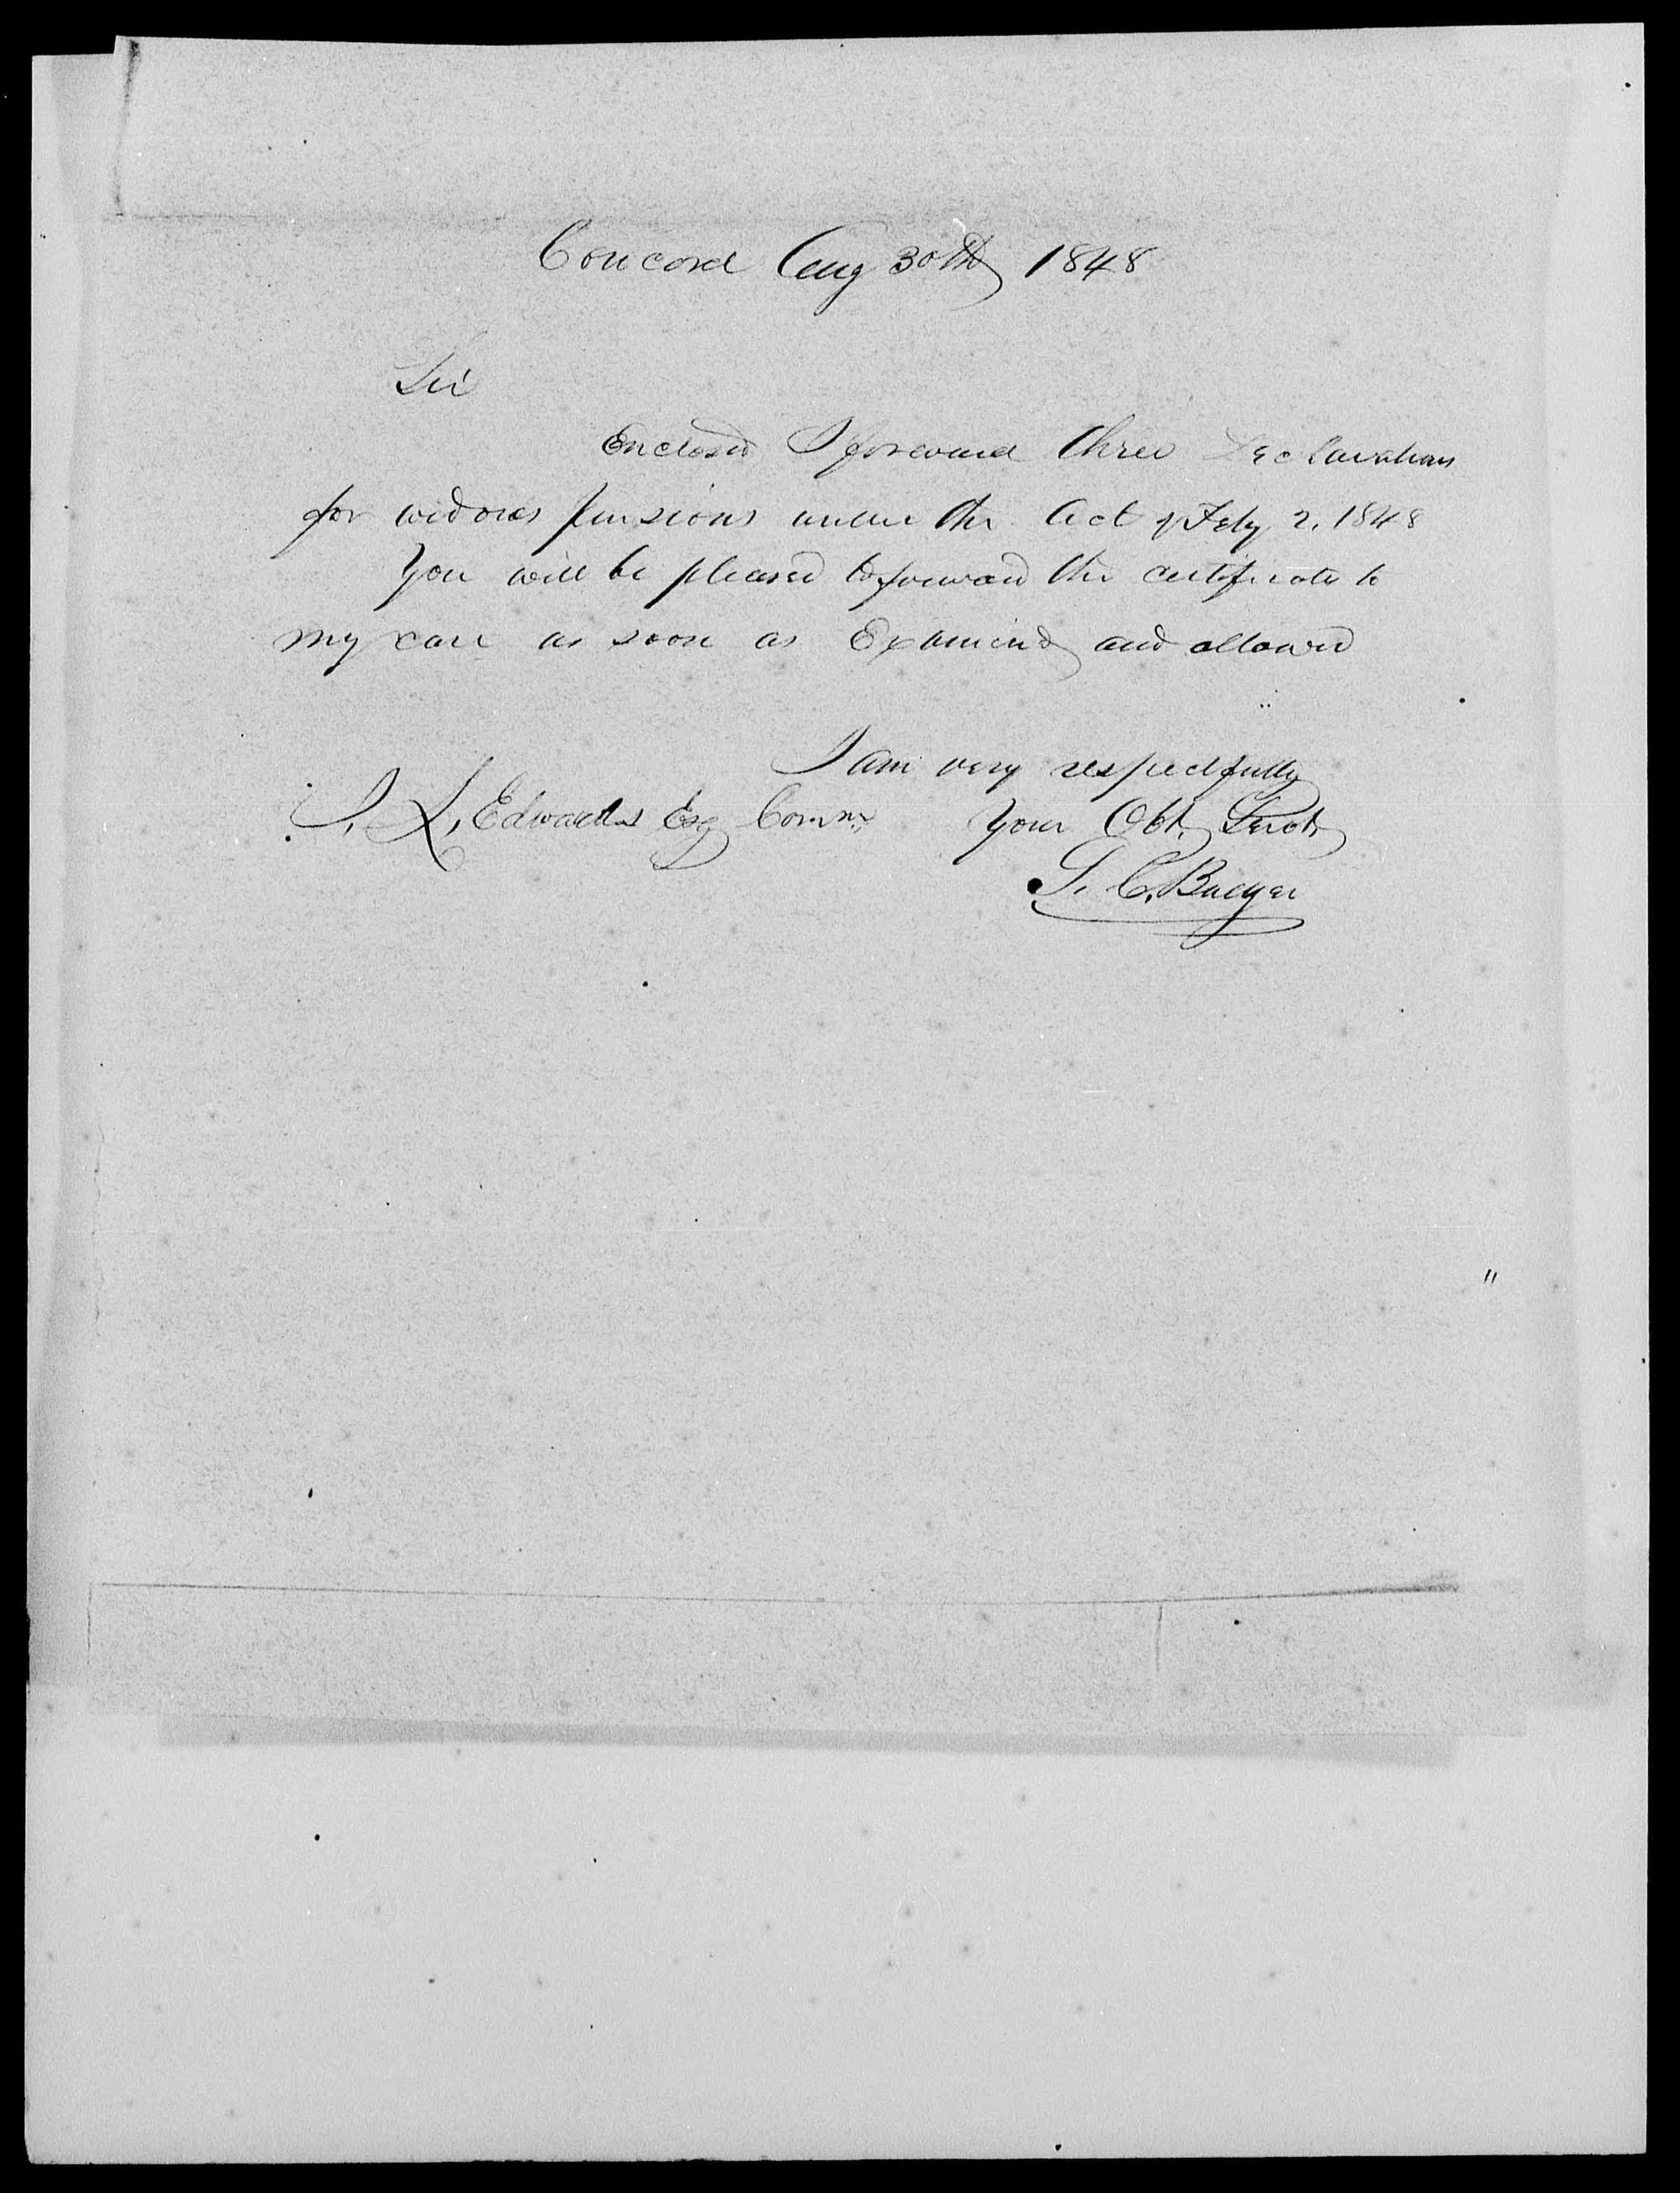Concord Aug 30th 1848

Sir

Enclosed I forward three Declarations for widows pensions under the Act of Feby 2, 1848

You will be pleased to forward the certificate to my care as soon as Examined and allowed

I am very respectfully
Your Obt. Servt.
J. C. Badger

I. L. Edwards Esq Comm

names: J L Edwards, S C Balger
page: 32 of 57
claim: widow's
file: W. 23217, Thomas Haines, N H